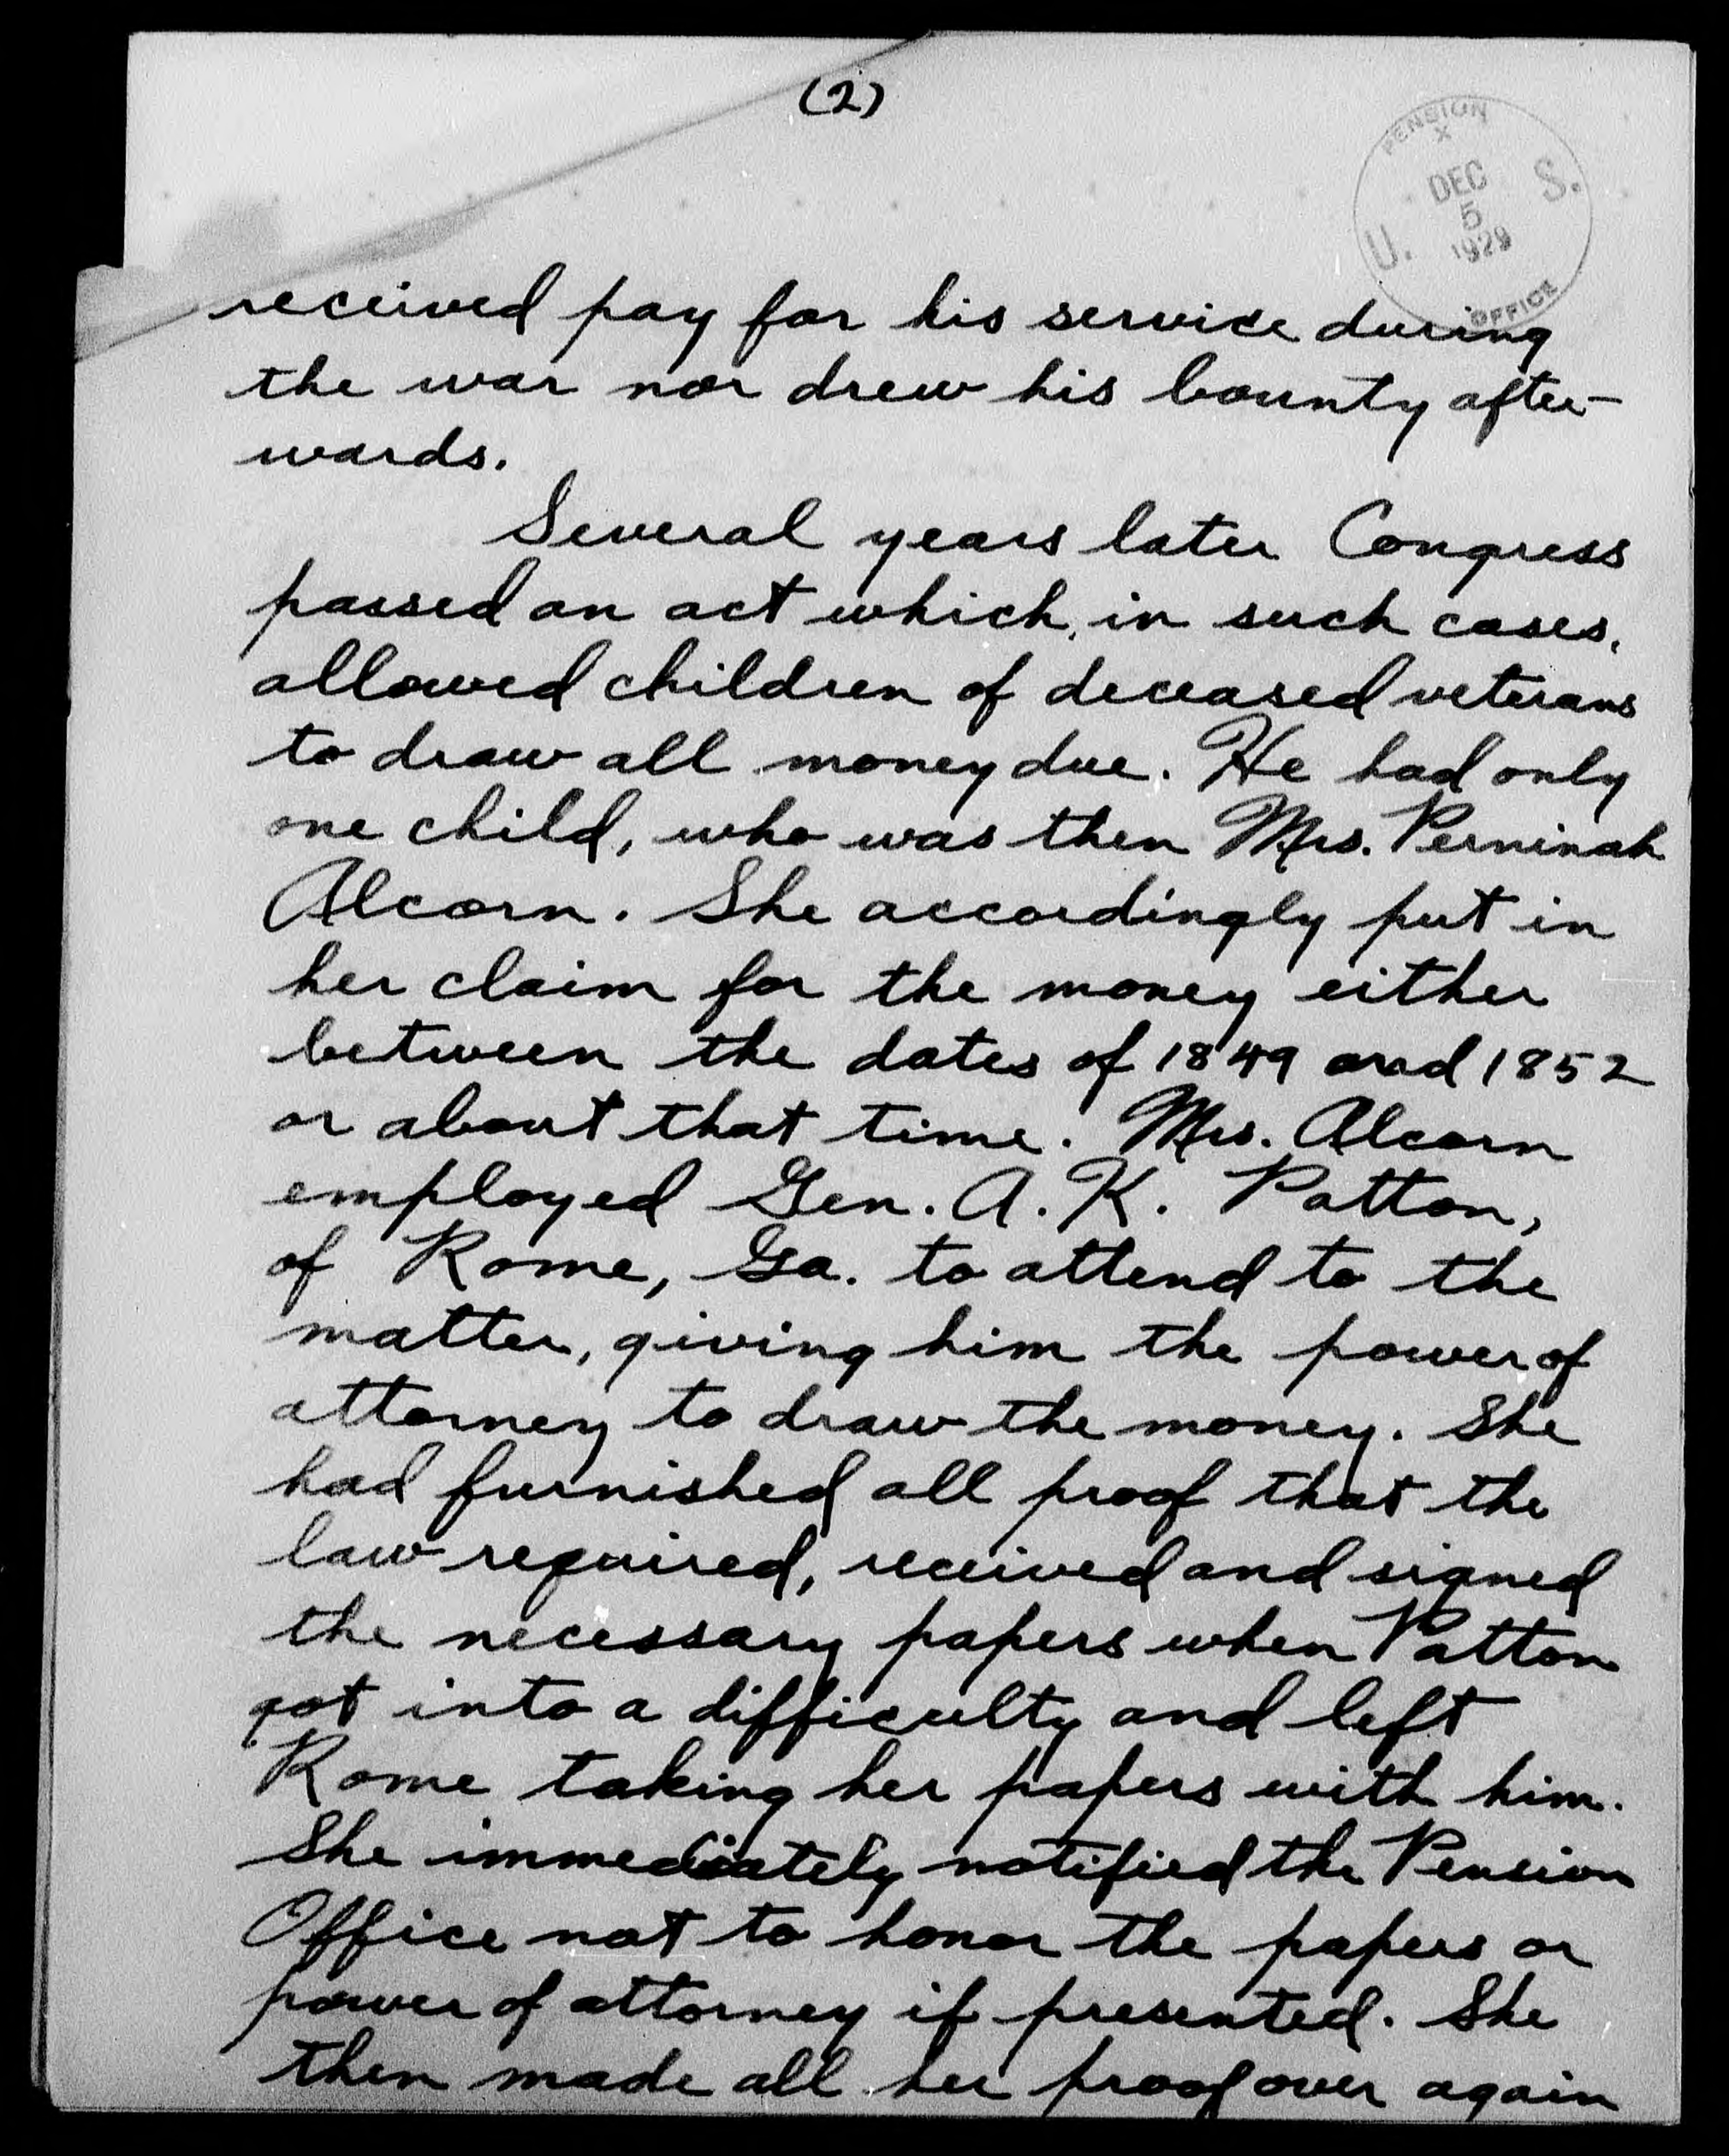received pay for his service during the war not drew his bounty afterwards.
Several years later Congress passed an act which in such cases, allowed children of deceased veterans to draw all money due. He had only one child, who was then Mrs. Perninah Alcorn. She accordingly pu in her claim for the money either between the dates of 1849 and 1852 or about that time.  Mrs. Alcorn employed Gen A.K. Patton, of Rome, G.A. to attend to the matter, giving him the power of attorney to draw the money.  She had furnished all proof that the law required, received and signed the necessary papers when Patton got into difficulty and left Rome, taking her papers with him.  She immediately notified the Pension Office not to honor the papers or power of attorney if presented. She then made all her proof over again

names: Alcorn, Patton, A K Patton, Perninah Alcorn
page: 28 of 32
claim: rejected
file: R. 4655, Jesse Harris, N.C.